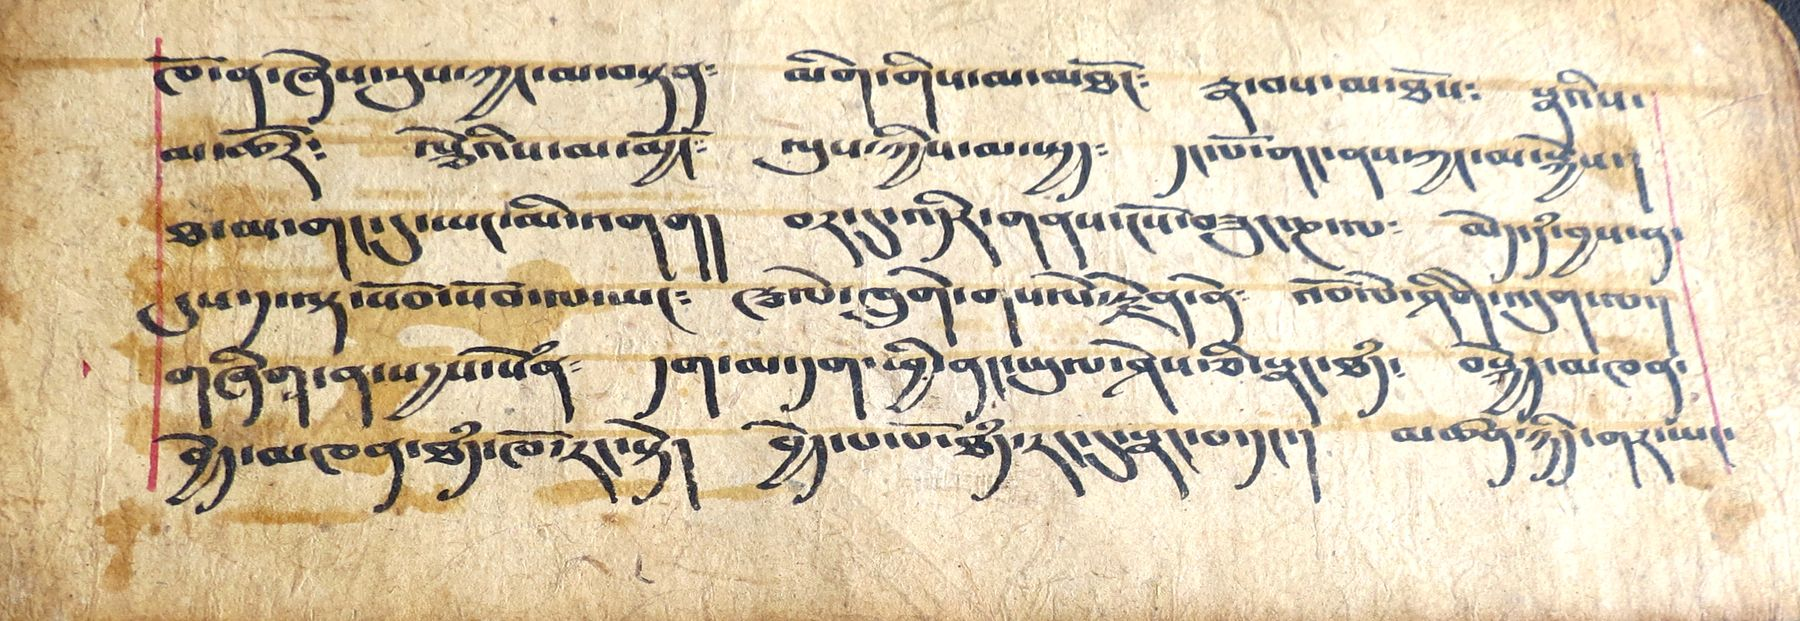ཁོ་ན་ཞེས་སུས་ཀྱང་མ་བསྟན། མིག་གིས་མ་མཐོང་། རྣ་བས་མ་ཐོས། སྣ་ཡིས་
མ་ཚོར། ལྕེ་ཡིས་མ་མྱོང་། ལུས་ཀྱིས་མ་སྤྱད། དང་པོ་གང་ནས་ཀྱང་མ་སྐྱེས། 
ཐ་མ་གང་དུ་ཡང་མི་འགག བར་དུ་འདིར་གནས་ཀྱི་ངོས་བཟུང་མེད་ལ། མེད་དམ་བྱས་ན་
དུས་ད་ལྟ་སོབ་སོབ་ལའང་ཝལ་ལེ་ཁྲུག་གེ གསལ་ལེ་༼ཧྲིག་གེ༽རྗེན་ནེ་འབོལ་ལེ་ཤིག་གེ་འདུག་ལ། 
གཞིག་ན་སངས་རྒྱས་སེམས་ཅན་དག་མ་དག་ཕྱི་ནང་ཡུལ་ཤེས་ཅེས་ཅི་སྣང་ཐམས་ཅད། སྐྱེད་མཁན་བྱེད་མཁན་
ཐམས་ཅད་ཁོ་རང་སྟེ། བྱེད་པ་པོ་ཐམས་ཅད་རང་དུ་སྣང་བ་དང་། མཚན་ཉིད་གར་ཡང་